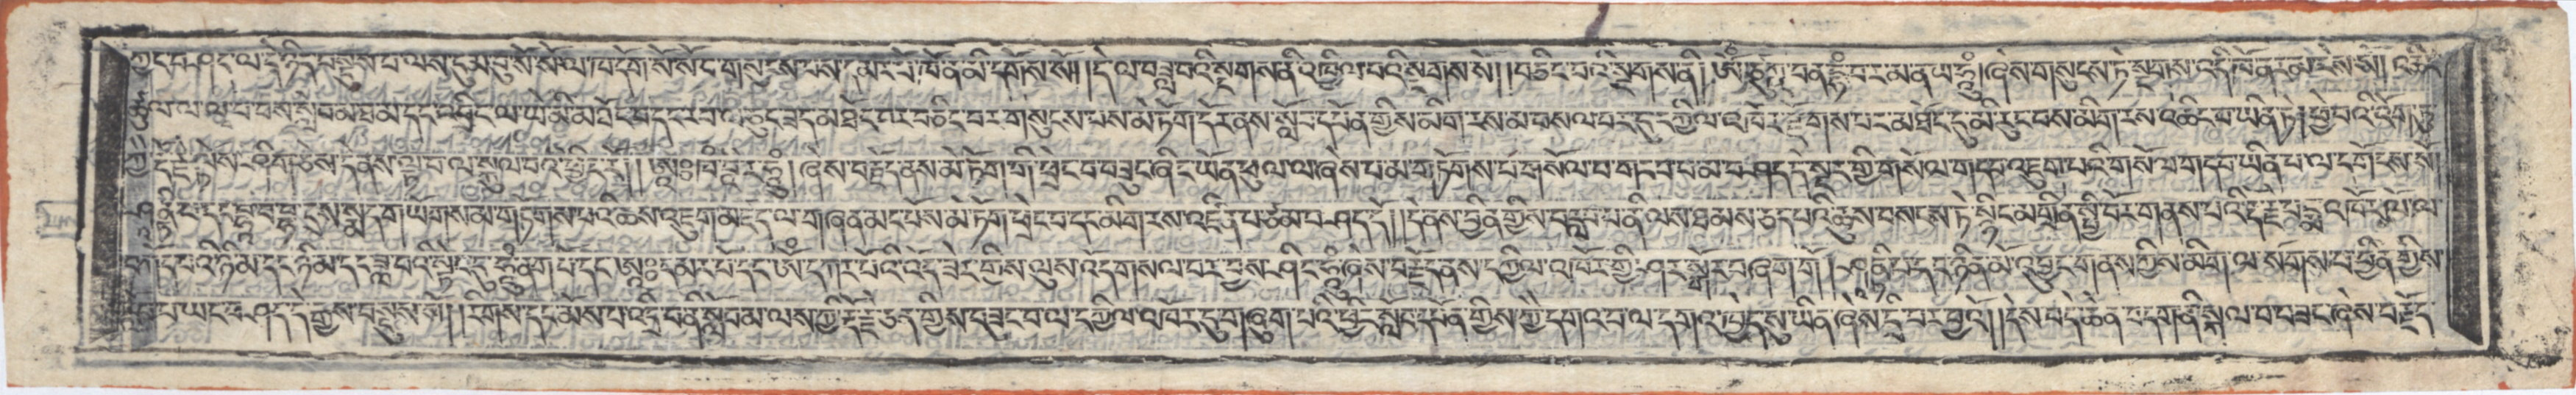ཀྱང་བཤད་ལ་དེ་ཉིད་བསྡུས་པ་ལས་དུམ་བུ་སོ་སོ་ལ་ཁ་དོག་སོ་སོ་བ་གསུངས་པས་དམར་པོ་ཁོ་ན་མི་དགོས་སོ། །དེ་ལ་བཟླ་བའི་སྔགས་ནི་འཁྱིལ་བའི་སྔགས་སོ། །བཅིང་བའི་སྔགས་ནི། ཨོཾ་ཙཀྵུ་བན་དྷཾ་བ་ར་མ་ན་ཡ་ཧཱུཾ། ཞེས་གསུངས་ཏེ་སྔགས་འདི་ཁོ་ནར་མ་ངེས་སོ། འཆིང་
ཚུལ་ལ་ལྭ་པ་བས་སློབ་མ་ཐ་མ་དང་འབྲིང་ལ་ཡེ་མི་མཐོང་བ་དང་རབ་ལ་ཅུང་ཟད་མཐོང་བར་བཅིང་བར་གསུངས་པས་མེ་ཏོག་དོར་ནས་སློབ་དཔོན་གྱིས་མིག་རས་མ་བསལ་བར་དུ་དཀྱིལ་འཁོར་རྫོགས་པར་མཐོང་དུ་མི་རུང་བས་མིག་རས་འཆིང་བ་ཡིན་ཏེ། ཕྱེ་བའི་འོག་ཏུ་
ཀྱཻ་རྡོ་རྗེ་ལྟོས་ཤིག་ཅེས་དེ་ནས་ལྟ་བ་ལ་སྐུལ་བའི་ཕྱིར་རོ། །ཨཱཿ ཁཾ་བཱི་ར་ཧཱུཾ། ཞེས་བརྗོད་ནས་མེ་ཏོག་གི་ཕྲེང་བ་བཟུང་ཞིང་ཡོན་ཕུལ་ལ་ཞེས་པ་མ་གཏོགས་པ་གསོལ་བ་གདབ་པ་མ་བཤད་དེ་སྔར་གྱི་གསོལ་གདབ་འཇུག་པའི་གསོལ་གདབ་ཡིན་པ་ལ་དགོངས་སོ།
ཤཱནྟི་པ་དང་བྷཱ་བ་བྷ་དྲས་སྨད་གཡོགས་མ་གཏོགས་པའི་ཆས་འཇུག་མཛད་ལ་གཞན་མང་པོས་མེ་ཏོག་ཕྲེང་བ་དང་མིག་རས་འཛིན་པ་ཙམ་བཤད་དོ། །དེ་ནས་བྱིན་གྱིས་བརླབ་པ་ནི་ལས་ཐམས་ཅད་པའི་ཆུས་བསངས་ཏེ་སྙིང་མགྲིན་སྤྱི་བོར་གནས་པའི་རྡོ་རྗེ་པདམ་འཁོར་ལོ་ལ་
བཀོད་པའི་ཉི་མ་དང་ཉི་མ་དང་ཟླ་བའི་སྟེང་དུ་ཧཱུཾ་ནག་པོ་དང་ཨཱཿ དམར་པོ་དང་ཨོཾ་དཀར་པོའི་འོད་ཟེར་གྱིས་ལུས་འོད་གསལ་བར་བྱས་ཤིང་ཧཱུཾ་ཞེས་བརྗོད་ནས་དཀྱིལ་འཁོར་གྱི་ཤར་སྒོར་བཞག་གོ །ཤཱནྟི་པ་དང་ཉིན་མོ་འབྱུང་གནས་ཀྱིས་མིག་ལ་སོགས་པ་བྱིན་གྱིས་
རློབ་པ་ཡང་བཤད་དེ་རྒྱས་བསྡུས་སོ། །རིགས་དང་མོས་པ་འདྲི་བ་ནི་སློབ་མ་ལས་ཀྱི་རྡོ་རྗེ་ཅན་གྱིས་བཟུང་བ་ལ་དཀྱིལ་འཁོར་དུ་གཞུག་པའི་ཕྱིར་སློབ་དཔོན་གྱིས་ཀྱཻ་དགའ་བ་ལ་དགའ་ཁྱེད་སུ་ཡིན་ཞེས་དྲི་བར་བྱའོ། །དེས་བདེ་ཆེན་བདག་ནི་སྐལ་བ་བཟང་ཞེས་བརྗོད་